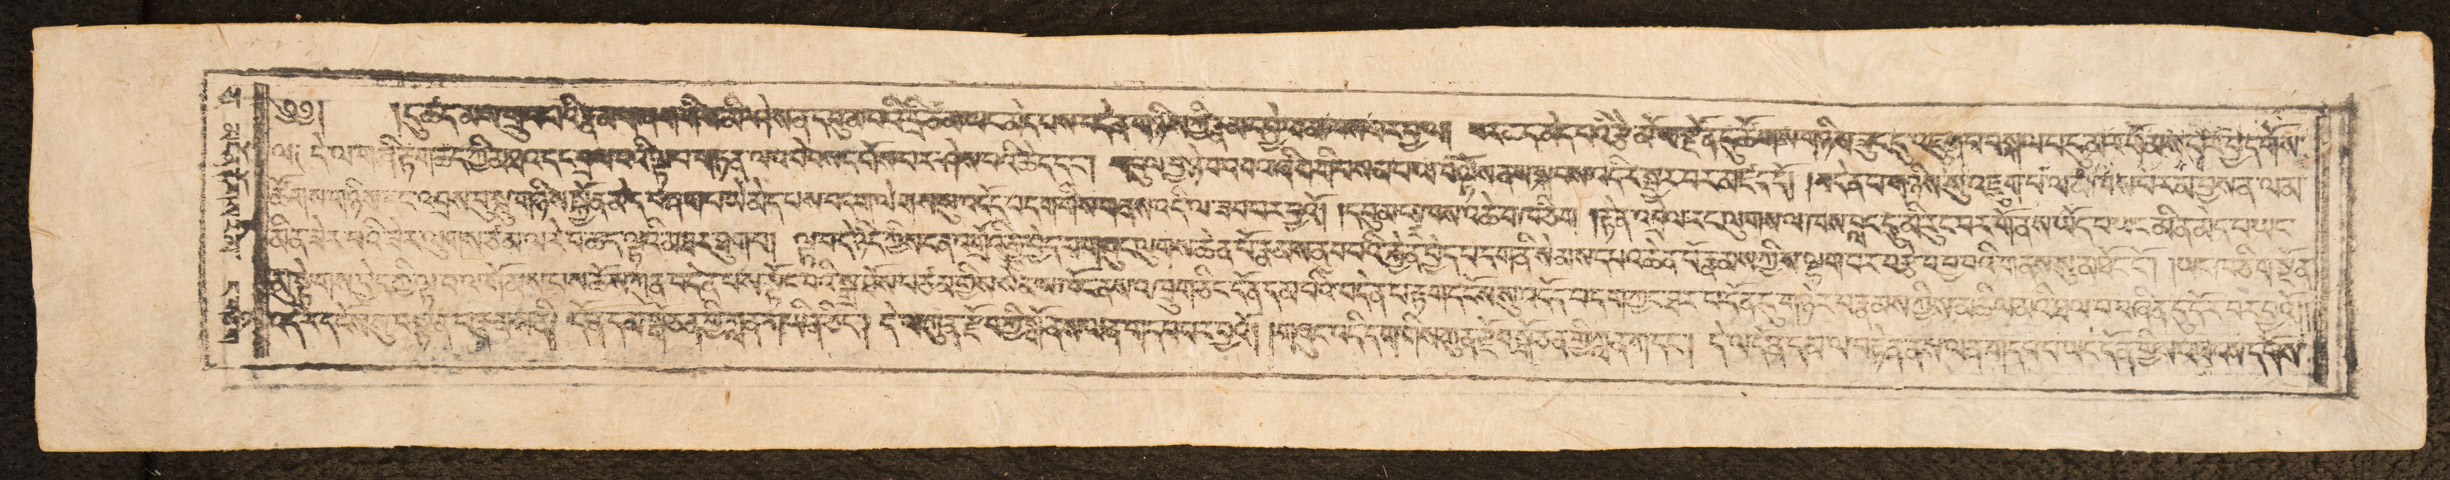༄༅། །དུ་ཚད་མས་གྲུབ་པའི་རྣམ་གཞག་གིས་མི་ཤེས་ན་དབུ་མ་པའི་དྲི་ཙམ་ཡང་མེད་པས་བདེན་གཉིས་ཀྱི་རྣམ་དབྱེ་ལ་མཁས་པར་བྱ་ལ། བར་ཆད་མེད་པའི་རྩེ་མོ་ལ་སྔོན་དུ་ཚོགས་གཉིས་ཟུང་དུ་འཇུག་པ་བསྐལ་པ་དུ་མར་གོམས་པར་བྱ་དགོས་
ལ། དེ་ལ་གཞི་རྟག་ཆད་ཀྱི་མཐའ་དང་བྲལ་བའི་ལྟ་བ་གཏན་ལ་འབེབས་དགོས་པར་ཤེས་པའི་ཆེད་དང་། གདུལ་བྱ་ཉེ་བ་འབའ་ཞིག་གི་བསམ་པ་ལ་བལྟོས་ནས་སྐབས་འདིར་སྦྱར་བར་མཛད་དོ། །བདེན་པ་གཉིས་སུ་འཇུག་པ་ལ་མཁས་པར་མ་བྱས་ན་ལམ་
ཚོགས་གཉིས་དང་འབྲས་བུ་སྐུ་གཉིས་སྐྱོན་མེད་བཞག་པ་ཡེ་མེད་པས་བདག་ལེགས་སུ་འདོད་པ་དག་གིས་གནས་འདི་ལ་ཟབ་པར་བྱའོ། །དབུ་མ་པང་?་ཁས་འཆེ་བ་ཁ་ཅིག །རྟེན་འབྲེལ་རང་ལུགས་ལ་ཁས་བླང་དུ་མི་རུང་བར་གོ་ནས་ཡོད་པ་ཡང་མིན་མེད་པ་ཡང་
མིན་ཟེར་བའི་ཟེར་ལུགས་ཙམ་ལ་རེ་བ་ཆད་ལྟའི་མཐར་ཐུག་པ། ལྟ་བ་དེ་ཉིད་ཀྱིས་ངན་འགྲོའི་རྒྱུ་བྱེད་པ་གཞུང་ལུགས་ཆེན་པོ་རྣམས་ནུབ་པའི་རྐྱེན་བྱེད་པ་དག་ནི་སེམས་དཔའ་ཆེན་པོ་རྣམས་ཀྱིས་ལྷག་པར་བརྩེ་བ་བྱ་བའི་གནས་སུ་མཐོང་ངོ། །ཡང་ཁ་ཅིག་སྔོན་
མུ་སྟེགས་བྱེད་ཀྱི་ལྟ་བ་ལ་གོམས་པས་ཆོས་ཀུན་བདེན་པས་སྟོང་བའི་སྒྲ་ཐོས་པ་ཙམ་གྱིས་སེམས་ཁོང་ནས་འཁྲུག་ཅིང་དོན་དམ་པའི་བདེན་པ་རྟག་དངོས་སུ་འདོད་པ་དག་ཀྱང་ཐར་པ་དོན་དུ་གཉེར་བ་རྣམས་ཀྱིས་མཆིལ་མའི་ཐལ་བ་བཞིན་དུ་དོར་བར་བྱའོ།།
འདིར་དངོས་སུ་བསྟན་པ་རྣམས་ནི། དོན་དམ་སྒོ་ཅན་གྱི་ཀླན་ཀ་ཡིན་ཅིང་། དེ་ལ་ཀུན་རྫོབ་ཀྱི་སྒོ་ནས་ལན་གདབ་པར་བྱའོ། །གཞུང་འདི་དག་གིས་ཀུན་རྫོབ་སྒོ་ཅན་གྱི་ཀླན་ཀ་དང་། དེ་ལ་དོན་དམ་ལ་བརྟེན་ནས་ལན་གདབ་པ་ཡང་དོན་གྱིས་འཕངས་དགོས་